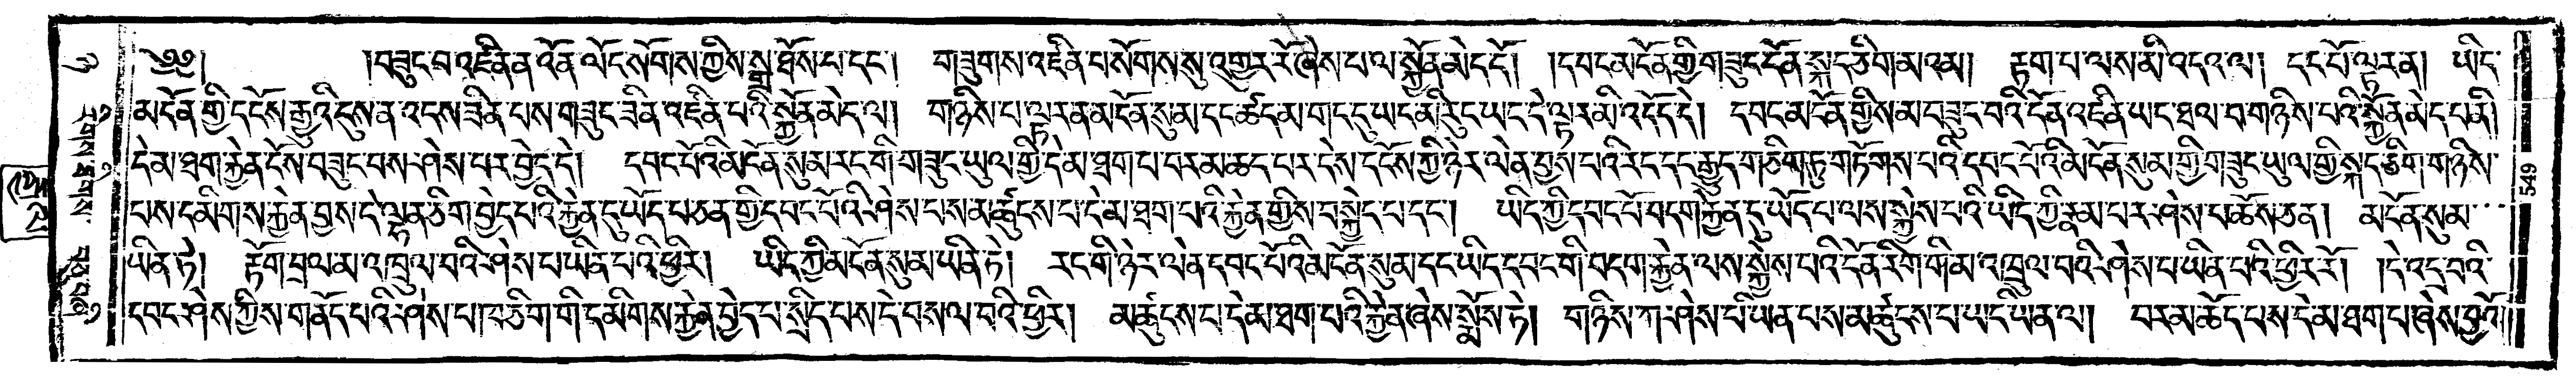༄༅། །བཟུང་བ་འཛིན་ན་འོན་ལོང་སོགས་ཀྱིས་སྒྲ་ཐོས་པ་དང་། གཟུགས་འཛིན་པ་སོགས་སུ་འགྱུར་རོ་ཞེས་པ་ལ་སྐྱོན་མེད་དོ། །དབང་མངོན་གྱི་གཟུང་དོན་སྐད་ཅིག་མའམ། རྟག་པ་ལས་མི་འདའ་ལ། དང་པོ་ལྟར་ན། ཡིད་
མངོན་གྱི་དངོས་རྒྱུའི་དུས་ན་འདས་ཟིན་པས་གཟུང་ཟིན་འཛིན་པའི་སྐྱོན་མེད་ལ། གཉིས་པ་ལྟར་ན་མངོན་སུམ་དང་ཚད་མ་གང་དུ་ཡང་མི་རུང་ཡང་དེ་ལྟར་མི་འདོད་དེ། དབང་མངོན་གྱིས་མ་བཟུང་བའི་དོན་འཛིན་ཡང་ཐལ་བ་གཉིས་པའི་སྐྱོན་མེད་པ་ནི།
དེ་མ་ཐག་རྐྱེན་ངོས་བཟུང་བས་ཤེས་པར་བྱེད་དེ། དབང་པོའི་མངོན་སུམ་རང་གི་གཟུང་ཡུལ་གྱི་དེ་མ་ཐག་པ་བར་མཆད་པར་དེས་དངོས་ཀྱི་ཉེར་ལེན་བྱས་པའི་རང་དང་རྒྱུད་གཅིག་ཏུ་གཏོགས་པའི་དབང་པོའི་མངོན་སུམ་གྱི་གཟུང་ཡུལ་གྱི་སྐད་ཅིག་གཉིས་
པས་དམིགས་རྐྱེན་བྱས་དེ་ལྷན་ཅིག་བྱེད་པའི་རྐྱེན་དུ་ཡོད་པ་ཅན་གྱི་དབང་པོའི་ཤེས་པས་མཚུངས་པ་དེ་མ་ཐག་པའི་རྐྱེན་གྱིས་བསྐྱེད་པ་དང་། ཡིད་ཀྱི་དབང་པོ་བདག་རྐྱེན་དུ་ཡོད་པ་ལས་སྐྱེས་པའི་ཡིད་ཀྱི་རྣམ་པར་ཤེས་པ་ཆོས་ཅན། མངོན་སུམ་
ཡིན་ཏེ། རྟོག་བྲལ་མ་འཁྲུལ་བའི་ཤེས་པ་ཡིན་པའི་ཕྱིར། ཡིད་ཀྱི་མངོན་སུམ་ཡིན་ཏེ། རང་གི་ཉེར་ལེན་དབང་པོའི་མངོན་སུམ་དང་ཡིད་དབང་གི་བདག་རྐྱེན་ལས་སྐྱེས་པའི་དོན་རིག་གི་མ་འཁྲུལ་བའི་ཤེས་པ་ཡིན་པའི་ཕྱིར་རོ། །དེ་འདྲ་བའི་
དབང་ཤེས་ཀྱིས་གནོད་པའི་ཤེས་པ་ཁ་ཅིག་གི་དམིགས་རྐྱེན་བྱེད་པ་སྲིད་པས་དེ་བསལ་བའི་ཕྱིར། མཚུངས་པ་དེ་མ་ཐག་པའི་རྐྱེན་ཞེས་སྨོས་ཏེ། གཉིས་ཀ་ཤེས་པ་ཡིན་པས་མཚུངས་པ་ཡང་ཡིན་ལ། བར་མཆོད་པས་དེ་མ་ཐག་པ་ཞེས་བྱའོ།།